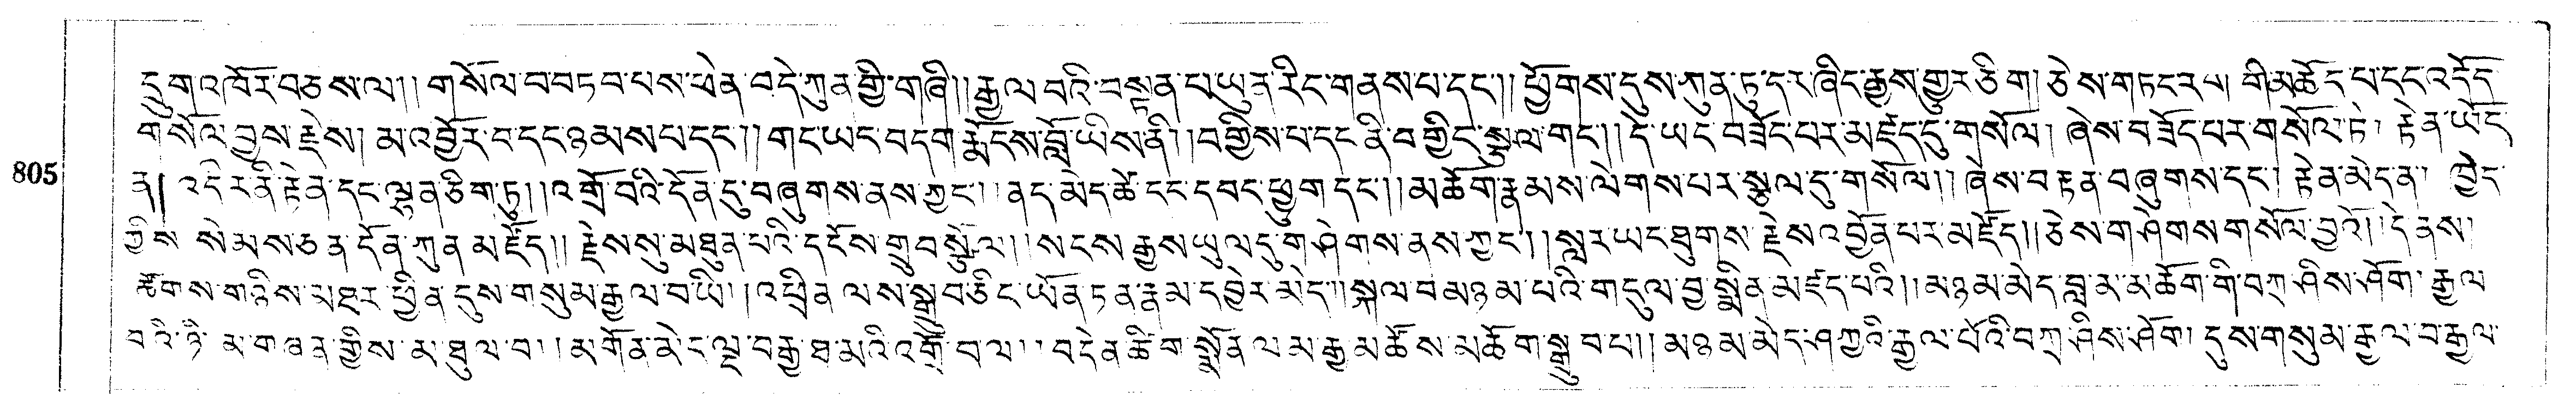དྲུག་འཁོར་བཅས་ལ། །གསོལ་བ་བཏབ་པས་ཕེན་བདེ་ཀུན་གྱི་གཞི། །རྒྱལ་བའི་བསྟན་པ་ཡུན་རིང་གནས་པ་དང་། །ཕྱོགས་དུས་ཀུན་ཏུ་དར་ཞིང་རྒྱས་གྱུར་ཅིག །ཅེས་གཏང་རག་གི་མཆོད་པ་དང་འདོད་
གསོལ་བྱས་རྗེས། མ་འབྱོར་བ་དང་ཉམས་པ་དང་། །གང་ཡང་བདག་རྨོངས་བློ་ཡིས་ནི། །བགྱིས་པ་དང་ནི་བགྱིང་སྩལ་གང་། །དེ་ཡང་བཟོད་པར་མཛད་དུ་གསོལ། ཞེས་བཟོད་པར་གསོལ་ཏེ། རྟེན་ཡོད་
ན། འདིར་ནི་རྟེན་དང་ལྷན་ཅིག་ཏུ། །འགྲོ་བའི་དོན་དུ་བཞུགས་ནས་ཀྱང་། །ནད་མེད་ཚེ་དང་དབང་ཕྱུག་དང་། །མཆོག་རྣམས་ལེགས་པར་སྩལ་དུ་གསོལ། །ཞེས་བརྟན་བཞུགས་དང་། རྟེན་མེད་ན། ཁྱེད་
ཀྱིས་སེམས་ཅན་དོན་ཀུན་མཛོད། །རྗེས་སུ་མཐུན་པའི་དངོས་གྲུབ་སྩོལ། །སངས་རྒྱས་ཡུལ་དུ་གཤེགས་ནས་ཀྱང་། །སླར་ཡང་ཐུགས་རྗེས་འབྱོན་པར་མཛོད། །ཅེས་གཤེགས་གསོལ་བྱའོ། །དེ་ནས།
ཚོགས་གཉིས་མཐར་ཕྱིན་དུས་གསུམ་རྒྱལ་བ་ཡི། །འཕྲིན་ལས་སྒྲུབ་ཅིང་ཡོན་ཏན་རྣམ་དབྱེར་མེད། །སྐལ་བ་མཉམ་པའི་གདུལ་བྱ་སྨིན་མཛད་པའི། །མཉམ་མེད་བླ་མ་མཆོག་གི་བཀྲ་ཤིས་ཤོག། རྒྱལ་
བའི་ཉི་མ་གཞན་གྱིས་མཐུལ་བ། །མགོན་མེད་ལྔ་བརྒྱ་ཐ་མའི་འགྲོ་བ་ལ། །བདེན་ཚིག་སྨོན་ལམ་རྒྱ་མཚོས་མཆོག་སྒྲུབ་པ། །མཉམ་མེད་ཤཱཀྱའི་རྒྱལ་པོའི་བཀྲ་ཤིས་ཤོག །དུས་གསུམ་རྒྱལ་བ་རྒྱལ་